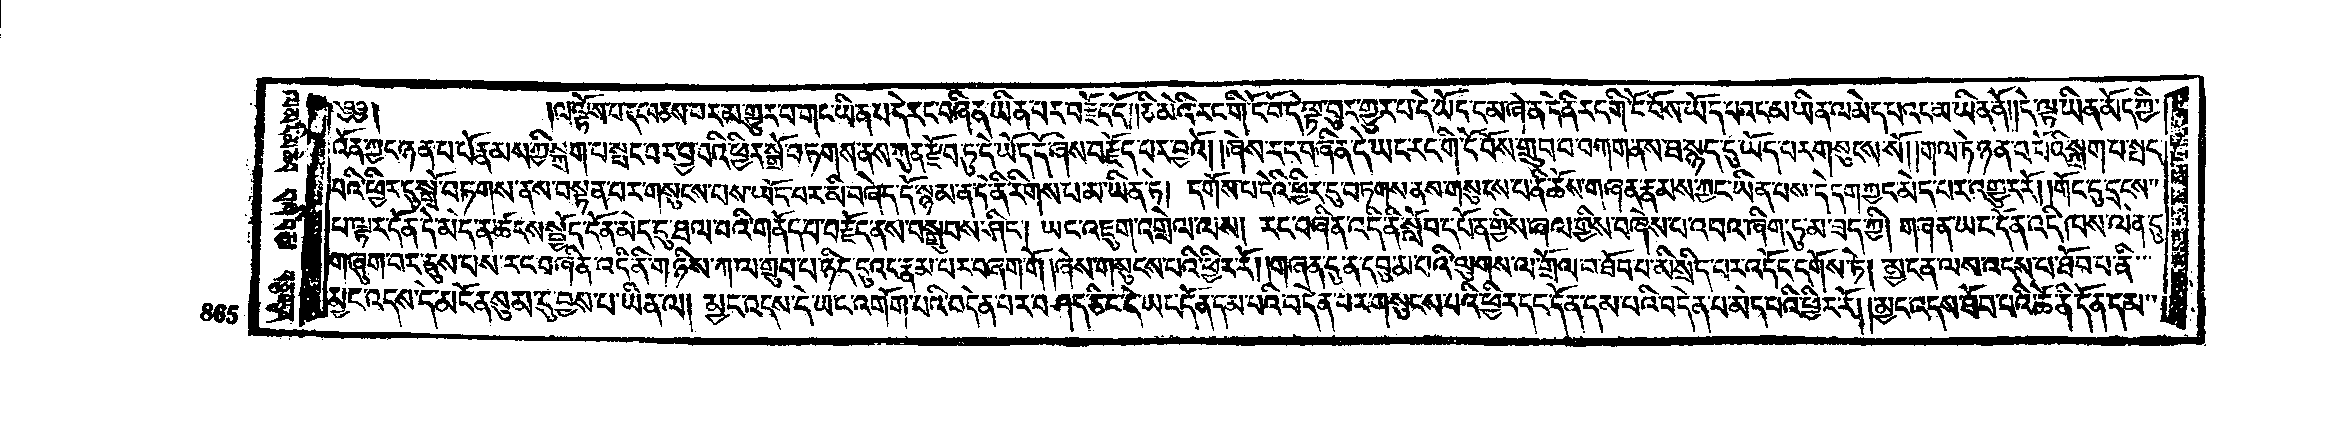༄༅། །ལ་ལྟོས་པ་དང་བཅས་པར་མ་གྱུར་པ་གང་ཡིན་པ་དེ་རང་བཞིན་ཡིན་པར་བརྗོད་དོ། །ཅི་མེའི་རང་གི་ངོ་བོ་དེ་ལྟ་བུར་གྱུར་པ་དེ་ཡོད་དམ་ཞེ་ན་དེ་ནི་རང་གི་ངོ་བོས་ཡོད་པའང་མ་ཡིན་ལ་མེད་པའང་མ་ཡིན་ནོ། །དེ་ལྟ་ཡིན་མོད་ཀྱི་
འོན་ཀྱང་ཉན་པ་པོ་རྣམས་ཀྱི་སྐྲག་པ་སྤང་བར་བྱ་བའི་ཕྱིར་སྒྲོ་བཏགས་ནས་ཀུན་རྫོབ་ཏུ་དེ་ཡོད་དོ་ཞེས་བརྗོད་པར་བྱའོ། །ཞེས་རང་བཞིན་དེ་ཡང་རང་གི་ངོ་བོས་གྲུབ་པ་བཀག་ནས་ཐ་སྙད་དུ་ཡོད་པར་གསུངས་སོ། །གལ་ཏེ་ཉན་པ་པོའི་སྐྲག་པ་སྤང་
བའི་ཕྱིར་དུ་སྒྲོ་བཏགས་ནས་བསྟན་པར་གསུངས་པས་ཡོད་པར་མི་བཞེད་དོ་སྙམ་ན་དེ་ནི་རིགས་པ་མ་ཡིན་ཏེ། དགོས་པ་དེའི་ཕྱིར་དུ་བཏགས་ནས་གསུངས་པ་ནི་ཆོས་གཞན་རྣམས་ཀྱང་ཡིན་པས་དེ་དག་ཀྱང་མེད་པར་འགྱུར་རོ། །གོང་དུ་དྲངས་
པ་ལྟར་དོན་དེ་མེད་ན་ཚངས་སྤྱོད་དོན་མེད་དུ་ཐལ་བའི་གནོད་པ་བརྗོད་ནས་བསྒྲུབས་ཤིང་། ཡང་འཇུག་འགྲེལ་ལས། རང་བཞིན་འདི་ནི་སློབ་དཔོན་གྱིས་ཞལ་གྱིས་བཞེས་པ་འབའ་ཞིག་ཏུ་མ་ཟད་ཀྱི། གཞན་ཡང་དོན་འདི་ཁས་ལེན་དུ་
གཞུག་པར་ནུས་པས་རང་བཞིན་འདི་ནི་གཉིས་ཀ་ལ་གྲུབ་པ་ཉིད་དུའང་རྣམ་པར་བཞག་གོ །ཞེས་གསུངས་པའི་ཕྱིར་རོ། །གཞན་དུ་ན་དབུ་མ་པའི་ལུགས་ལ་གྲོལ་བ་ཐོབ་པ་མི་སྲིད་པར་འདོད་དགོས་ཏེ། མྱ་ངན་ལས་འདས་པ་ཐོབ་པ་ནི་
མྱང་འདས་དེ་མངོན་སུམ་དུ་བྱས་པ་ཡིན་ལ། མྱང་འདས་དེ་ཡང་འགོག་པའི་བདེན་པར་བཤད་ཅིང་དེ་ཡང་དོན་དམ་པའི་བདེན་པར་གསུངས་པའི་ཕྱིར་དང་དོན་དམ་པའི་བདེན་པ་མེད་པའི་ཕྱིར་རོ། །མྱང་འདས་ཐོབ་པའི་ཚེ་ནི་དོན་དམ་